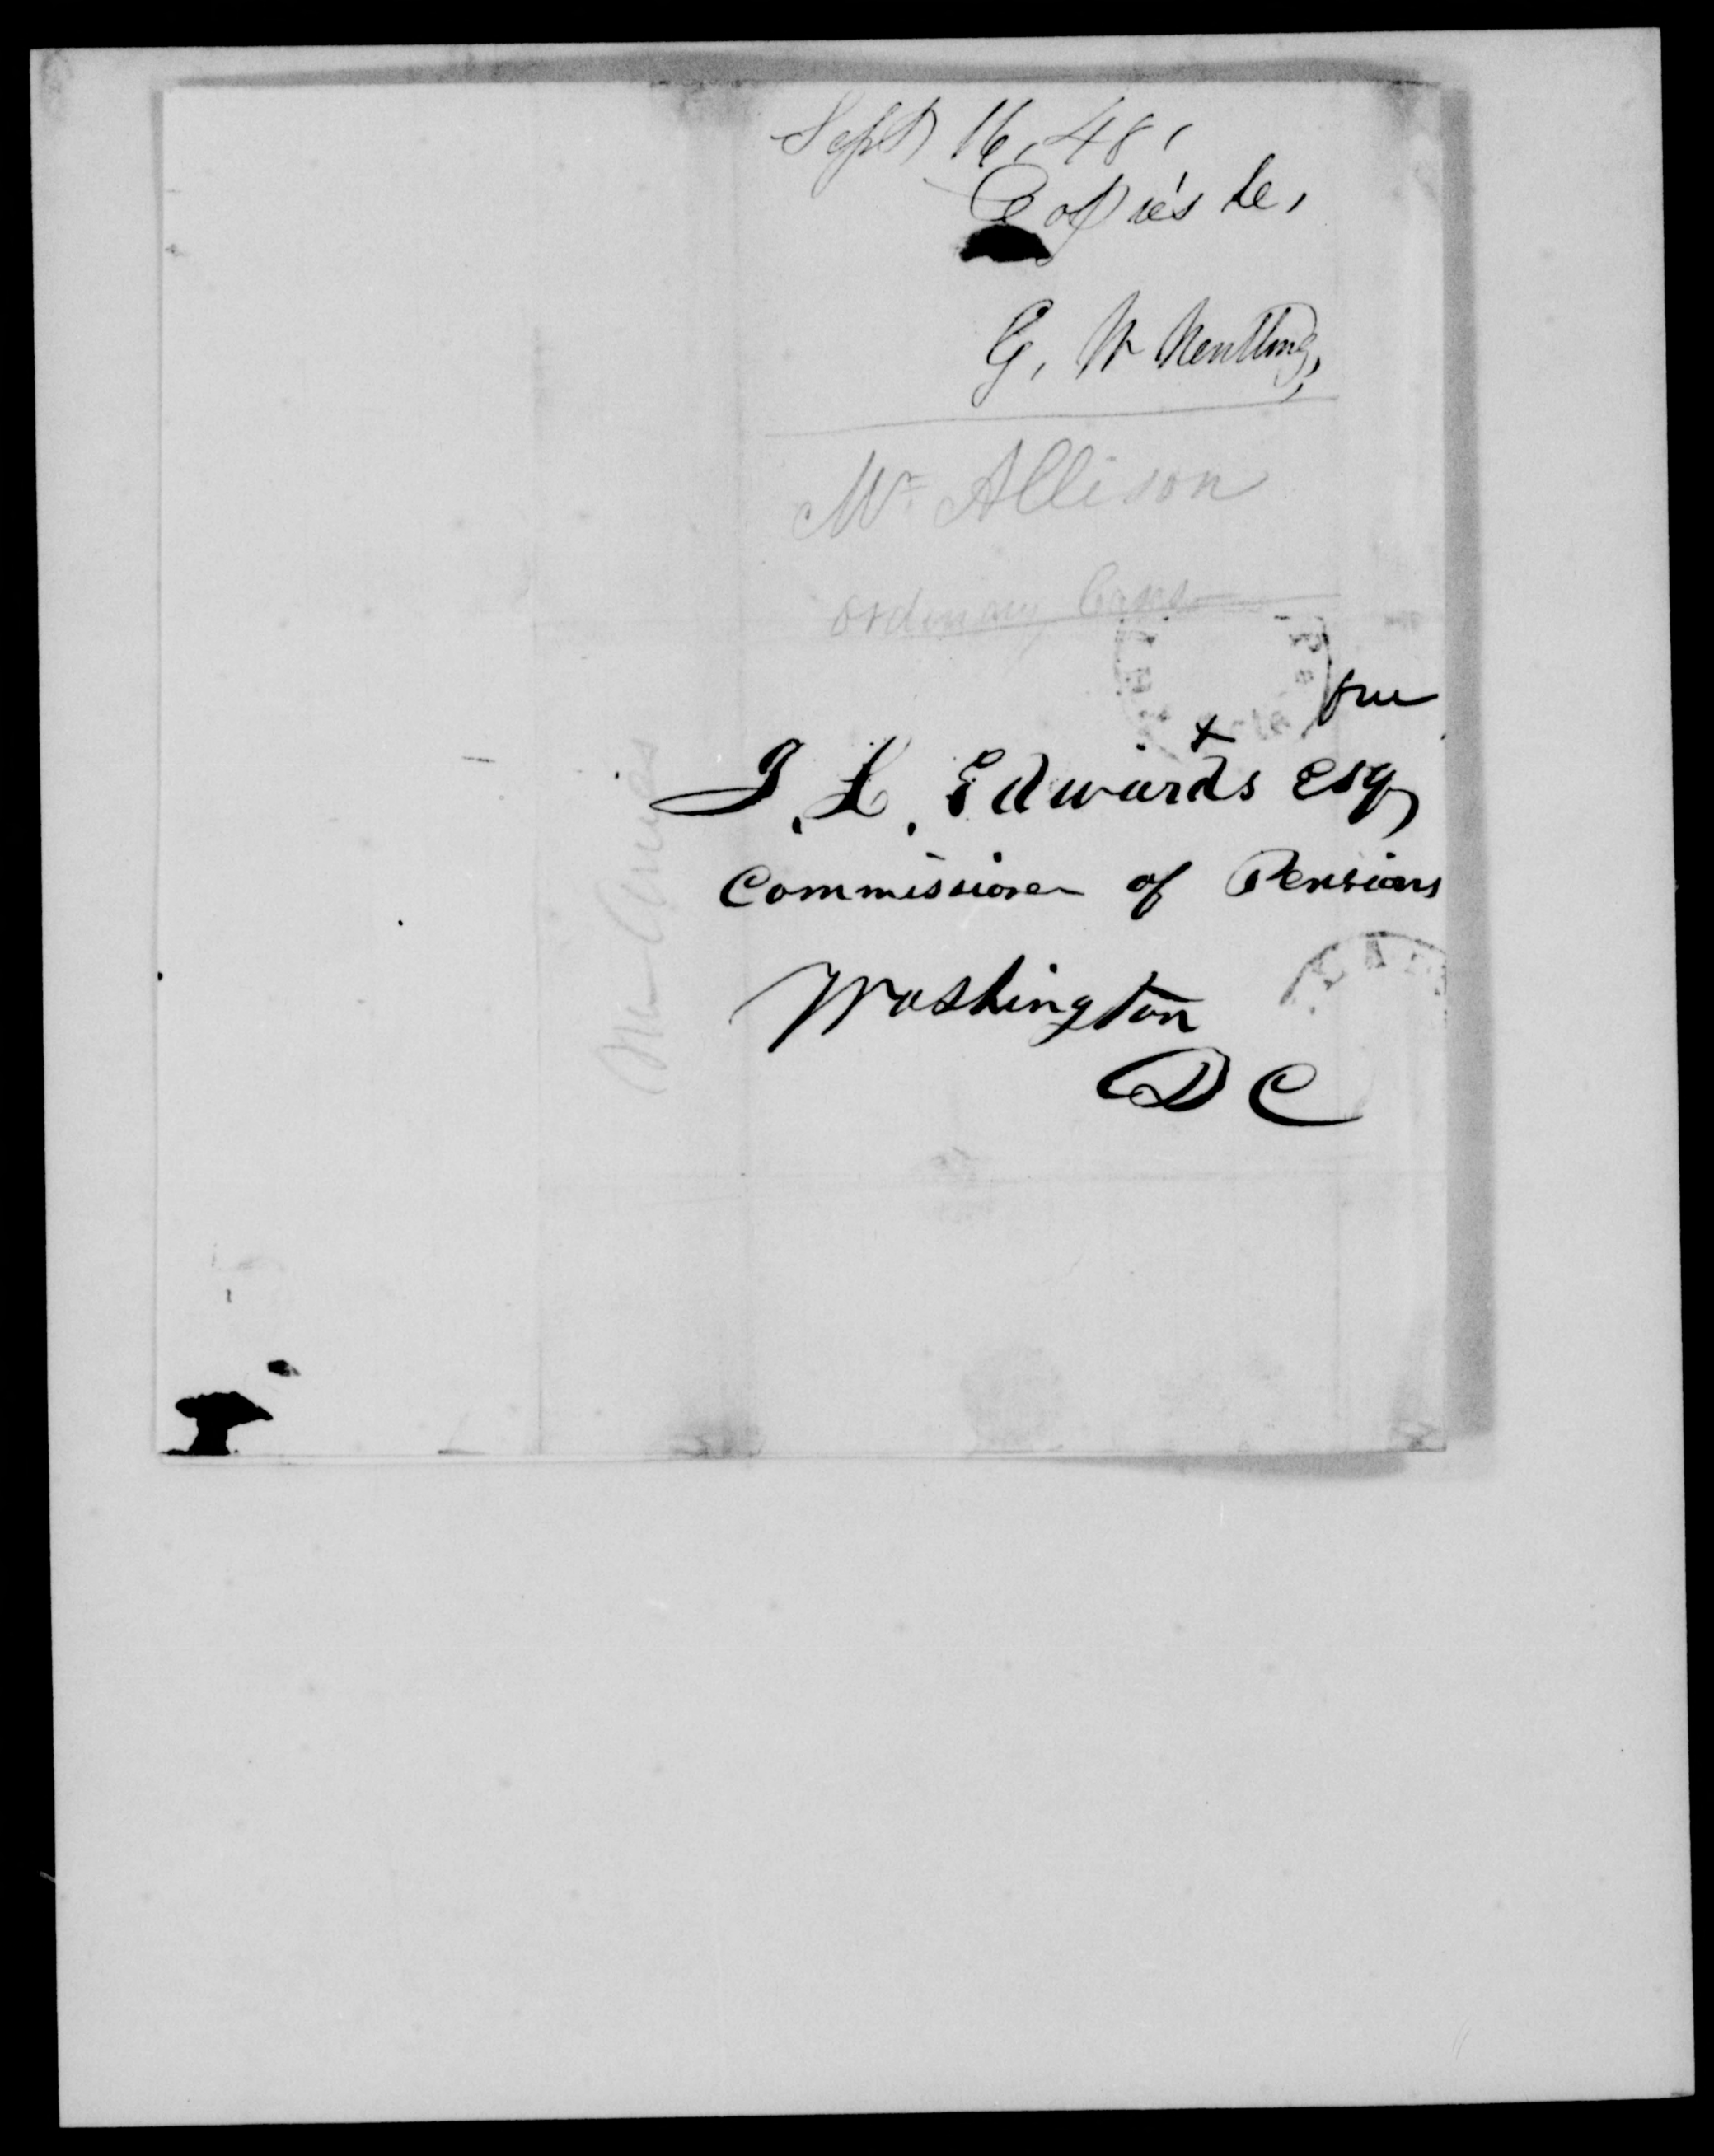Sept 16 ' 48
Copies  sen,
G. W. Wentling.

W. Allison
ordinary cases

free
J. L. Edwards Esq
Commissioner of Pensions
Washington DC

[Written vertically]
Wm Aures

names: Allison, J L Edwards, G W Wentling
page: 22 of 68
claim: survivor's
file: S. 6,358, George Wentling, Penn.